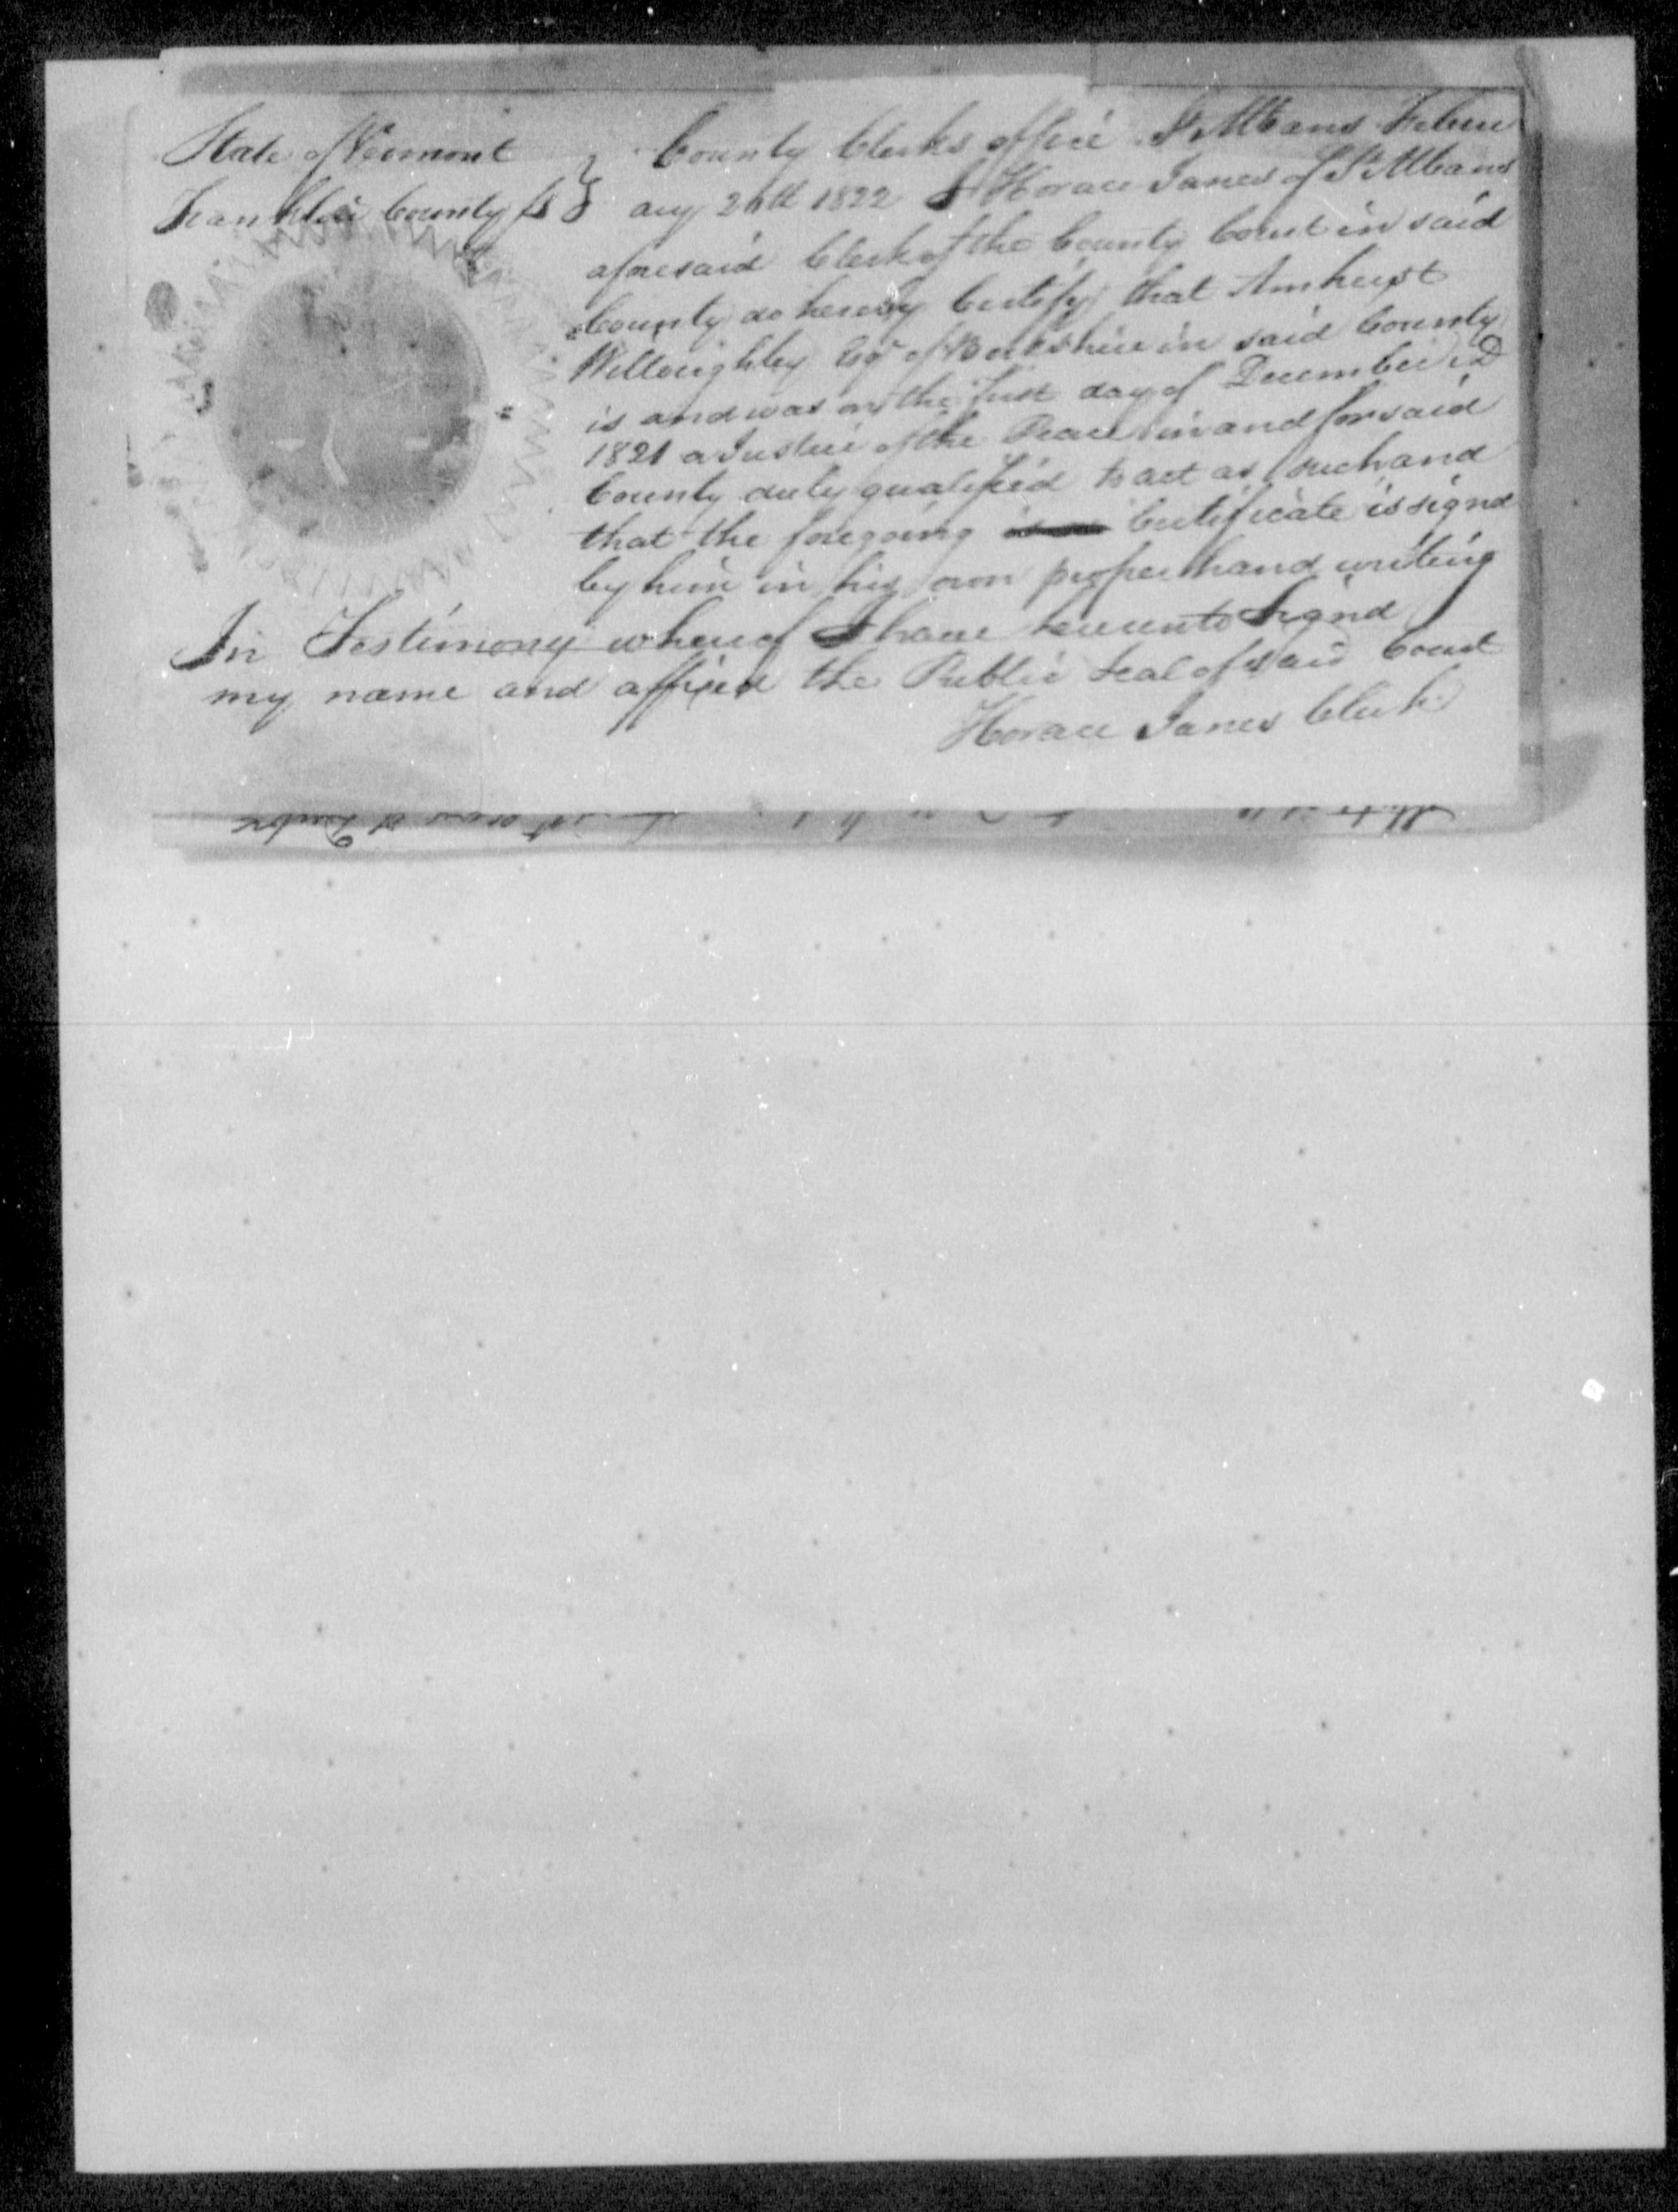State of Vermont Franklin County Ss}
County Clerks [sic] office St. Albans February
26th 1822 I Horace Jones of St. Albans
aforesaid Clerk of the County Court in said
County do hereby certify that Amherst
Willoughby Esq [ESQUIRE] of Berkshire in said County is and was on the first day of December AD 1821 a Justice of the Peace in and for said County duly qualified to act as such and that the foregoing Certificate is signed by him in his own proper hand writing
In Testimony whereof I have hereunto signed
my name and affixed the Public seal of said Court
Horace Jones Clerk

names: Amherst Willoughby; Horace Jones; Horace Jones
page: 42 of 109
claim: widow's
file: W. 5709, for Thomas Richards, New Hampshire